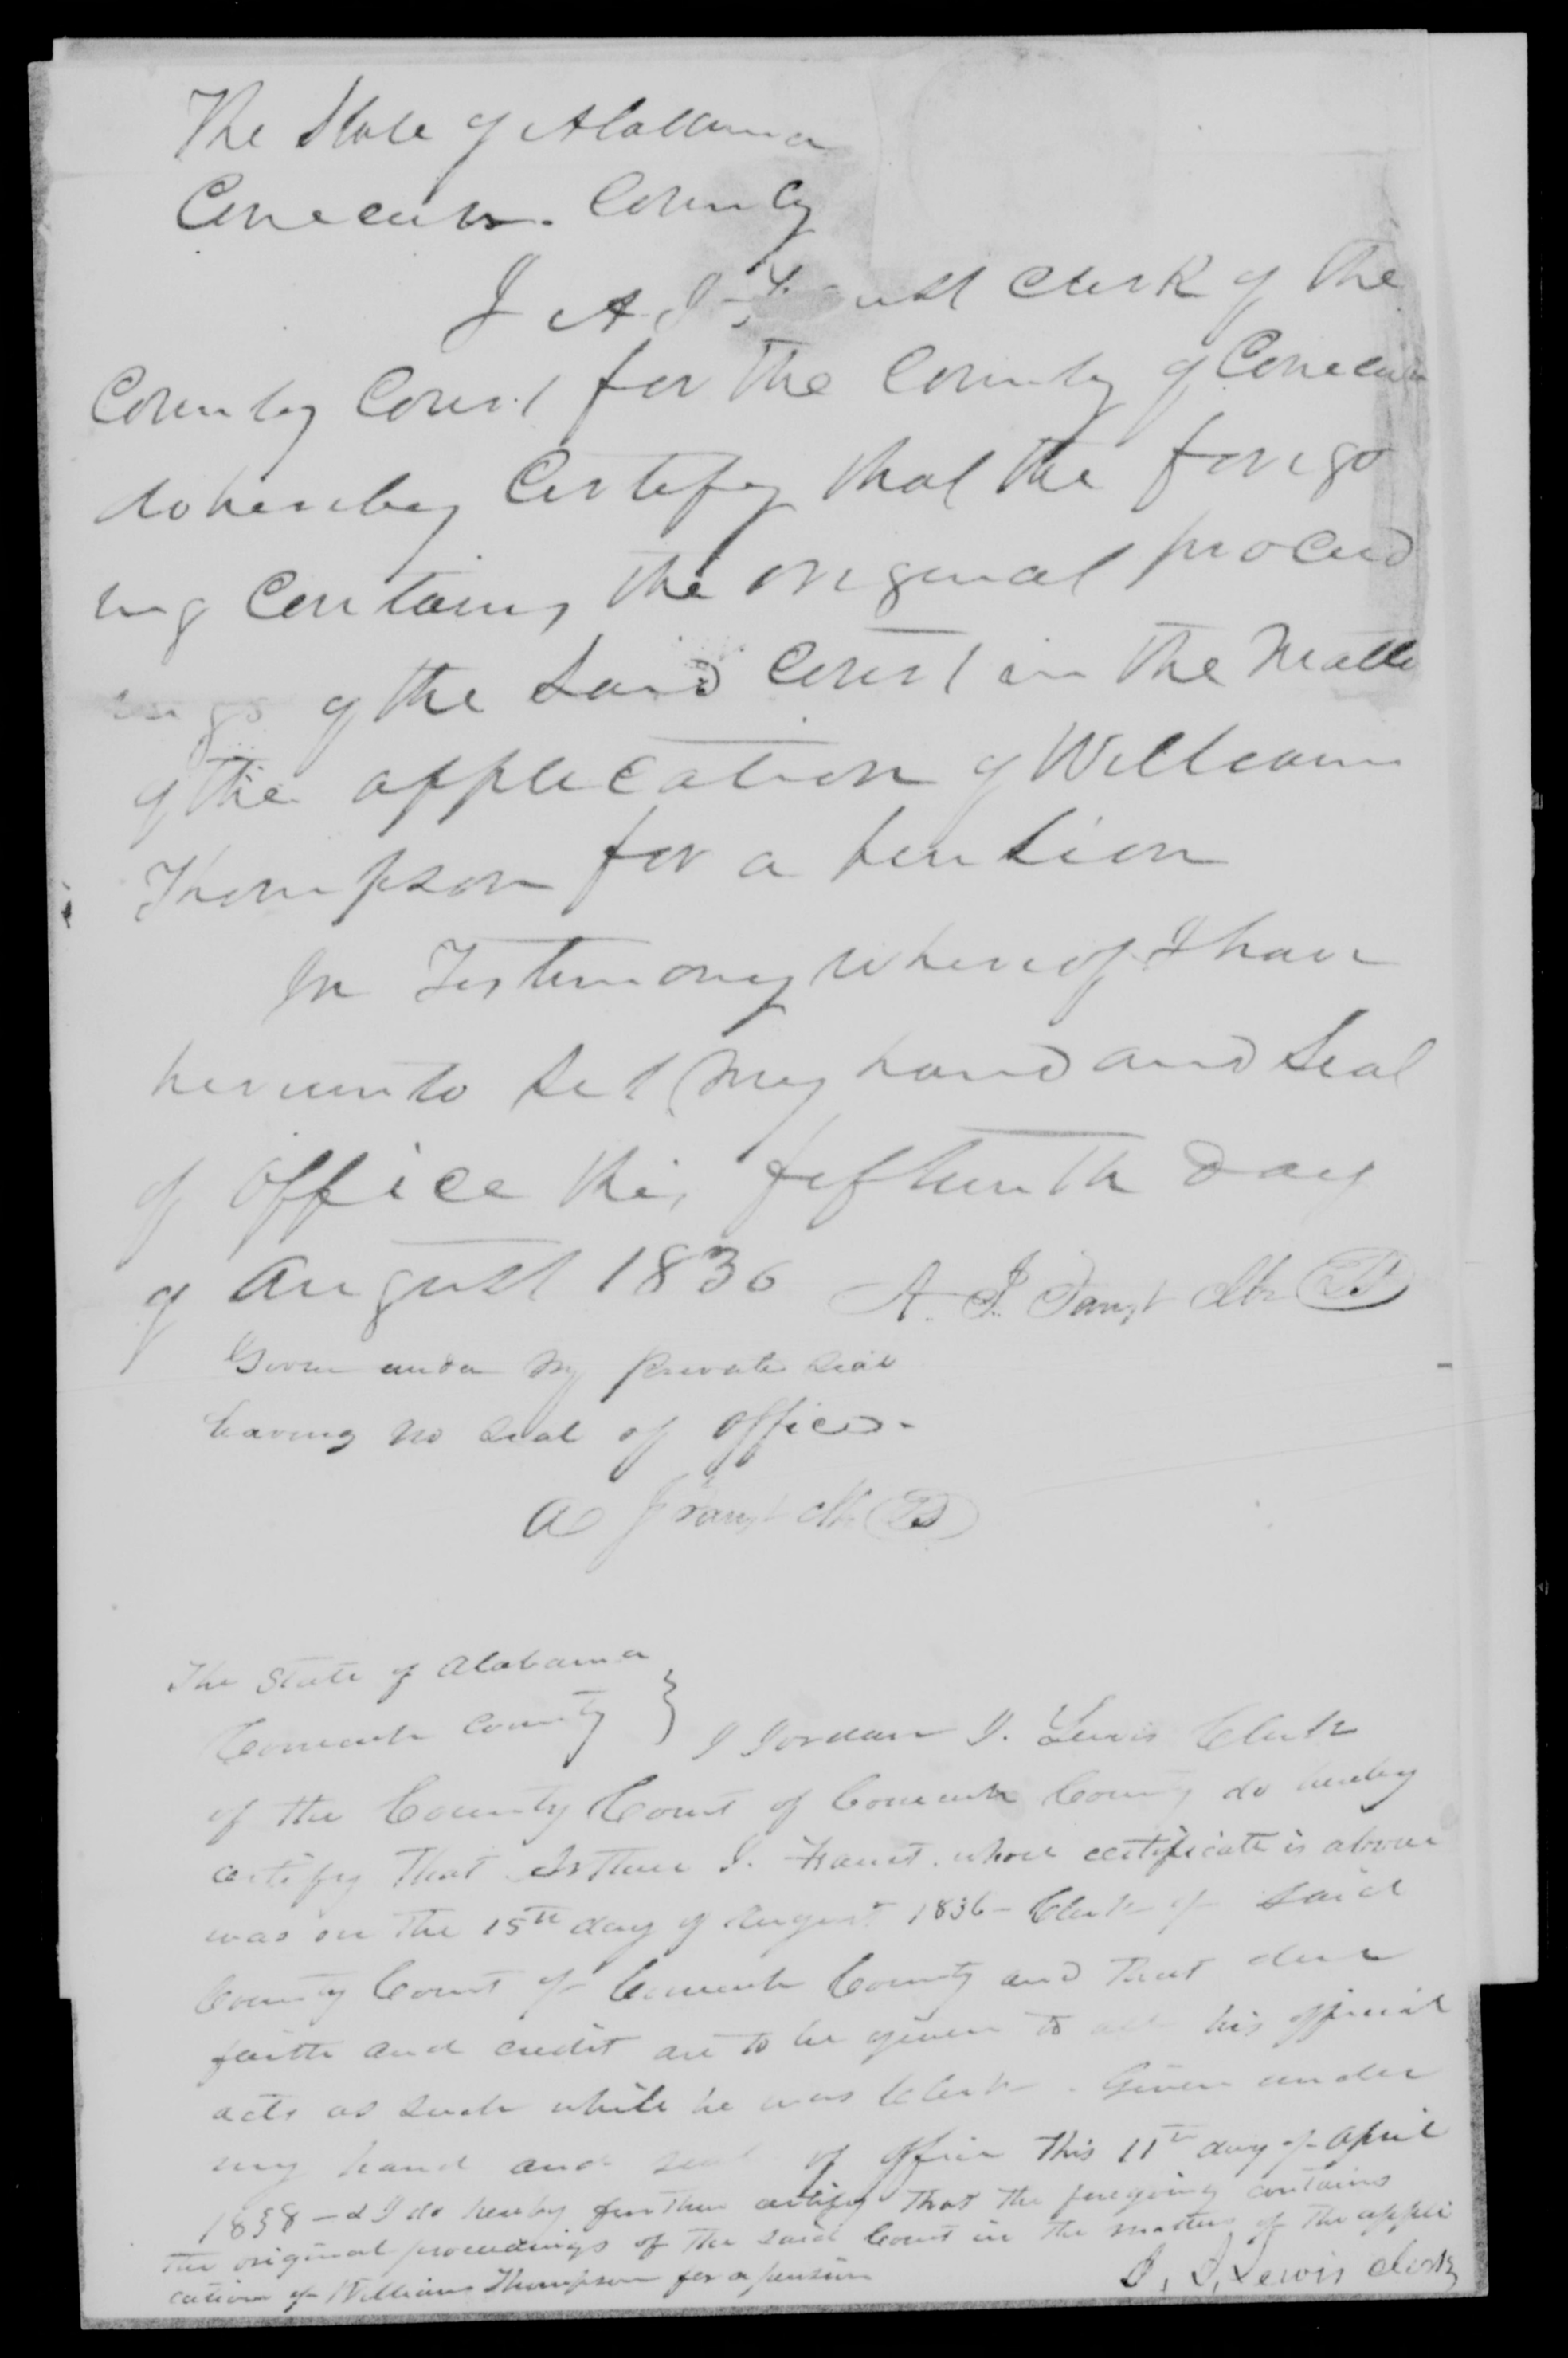The State of Alabama
Conecuh County 
I A I Faust Clerk of the
County Court for the County of Conecuh
thereby certify that the forego
ing contains the original proceeding
of the said Court in the matter
of the application of William
Thompson for a pension

In Testimony whereof I have
hereunto set my hand and seal
of office the fifteenth day
of August 1836 A I. Faust ℗ SEAL

Given under my private seal
having no seal of Office
A I. Faust clk   SEAL


The State of Alabama
Conecuh County  I Jordan J. Lewis Clerk
of the County Court of Conecuh County do hereby
certify that Arthur I. Faust whose certificate is above
was on the 15th day of August 1836 -- Clerk of said
County Court of Conecuh County and that due
faith and credit are to be given to all his official
acts as such while he was Clerk, 

Given under
my hand and seal of office this 11th day of April
1838 - I do hereby further certify that the foregoing contains the original proceedings of the said Court in the matters of the application of William Thompson for a pension
J. J. Lewis Clerk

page: 11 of 16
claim: rejected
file: R. 10561, for William Thompson, South Carolina